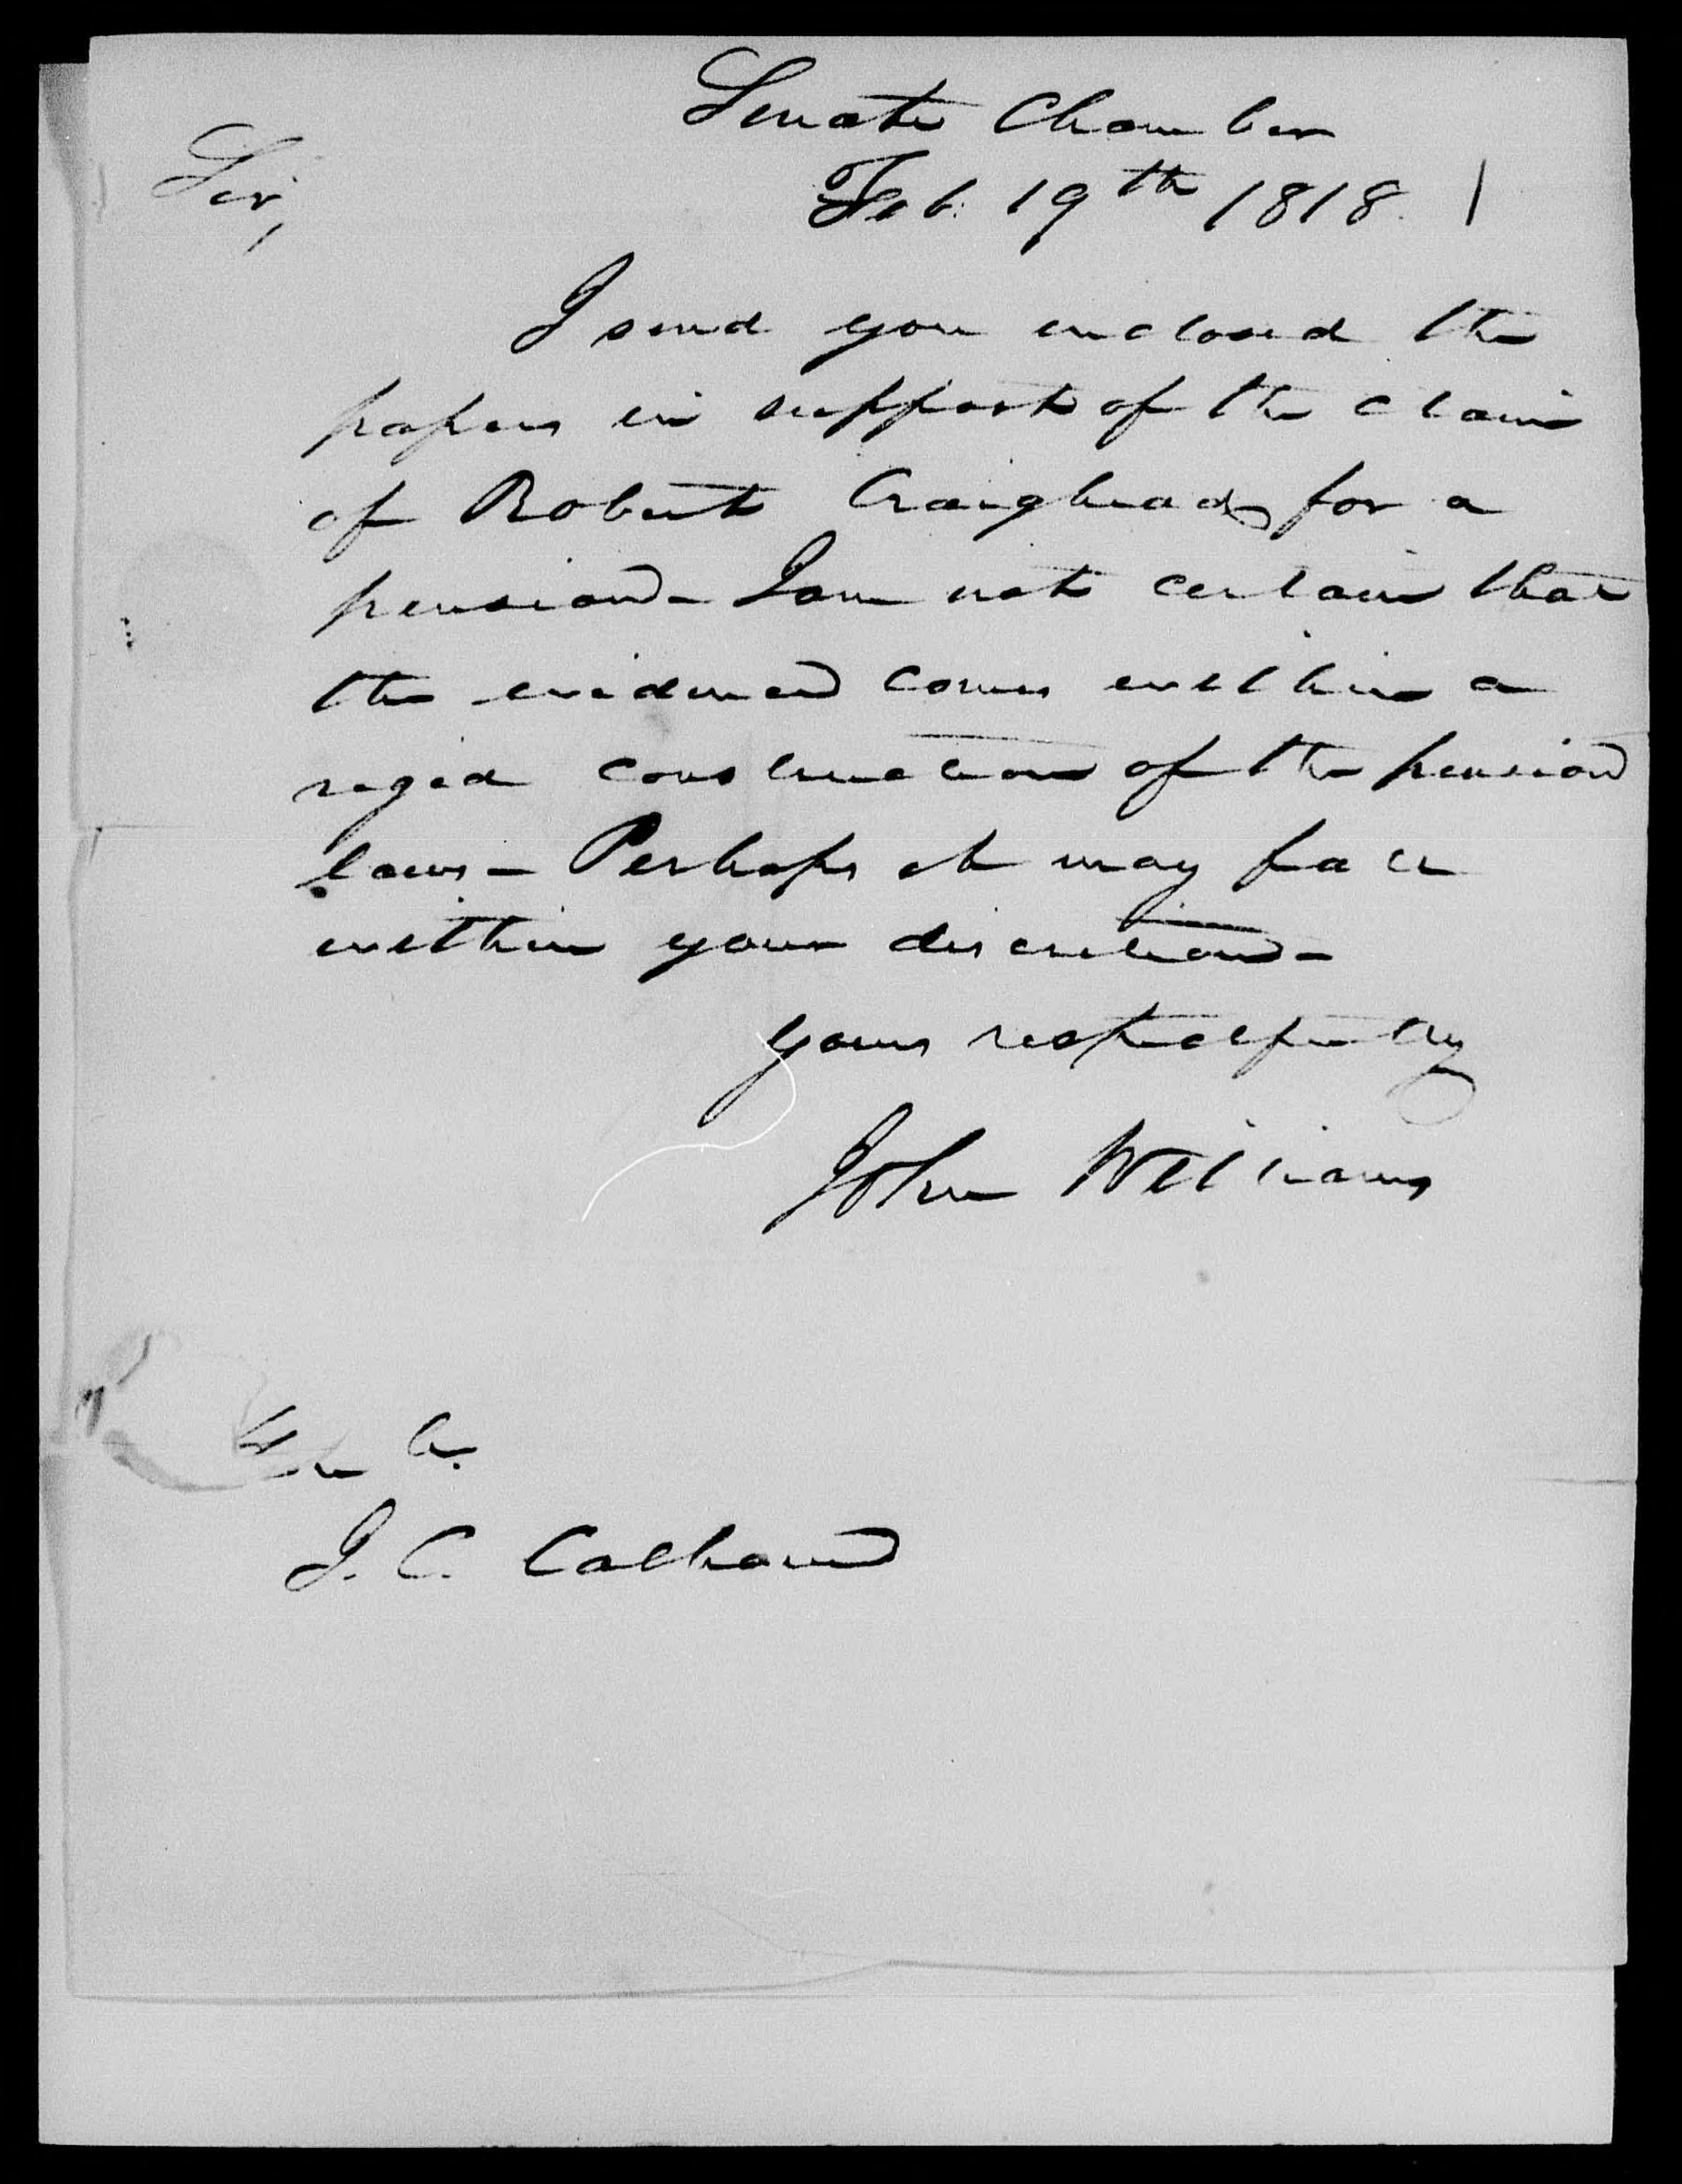Senate Chamber
February 19th 1818
Sir
I send you enclosed the
papers in support of the claim
of Robert Craighead for a
pension. I am not certain that the
evidence come within
reged construction of the pension
laws - Perhaps it may face
within your discretion
Yours respectfully
John Williams
Honorable
J. C. Calhoun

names: Robert Craighead, J C Calhoun, John Williams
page: 19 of 26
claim: survivor's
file: S. 352, Robert Craighead, N.C.